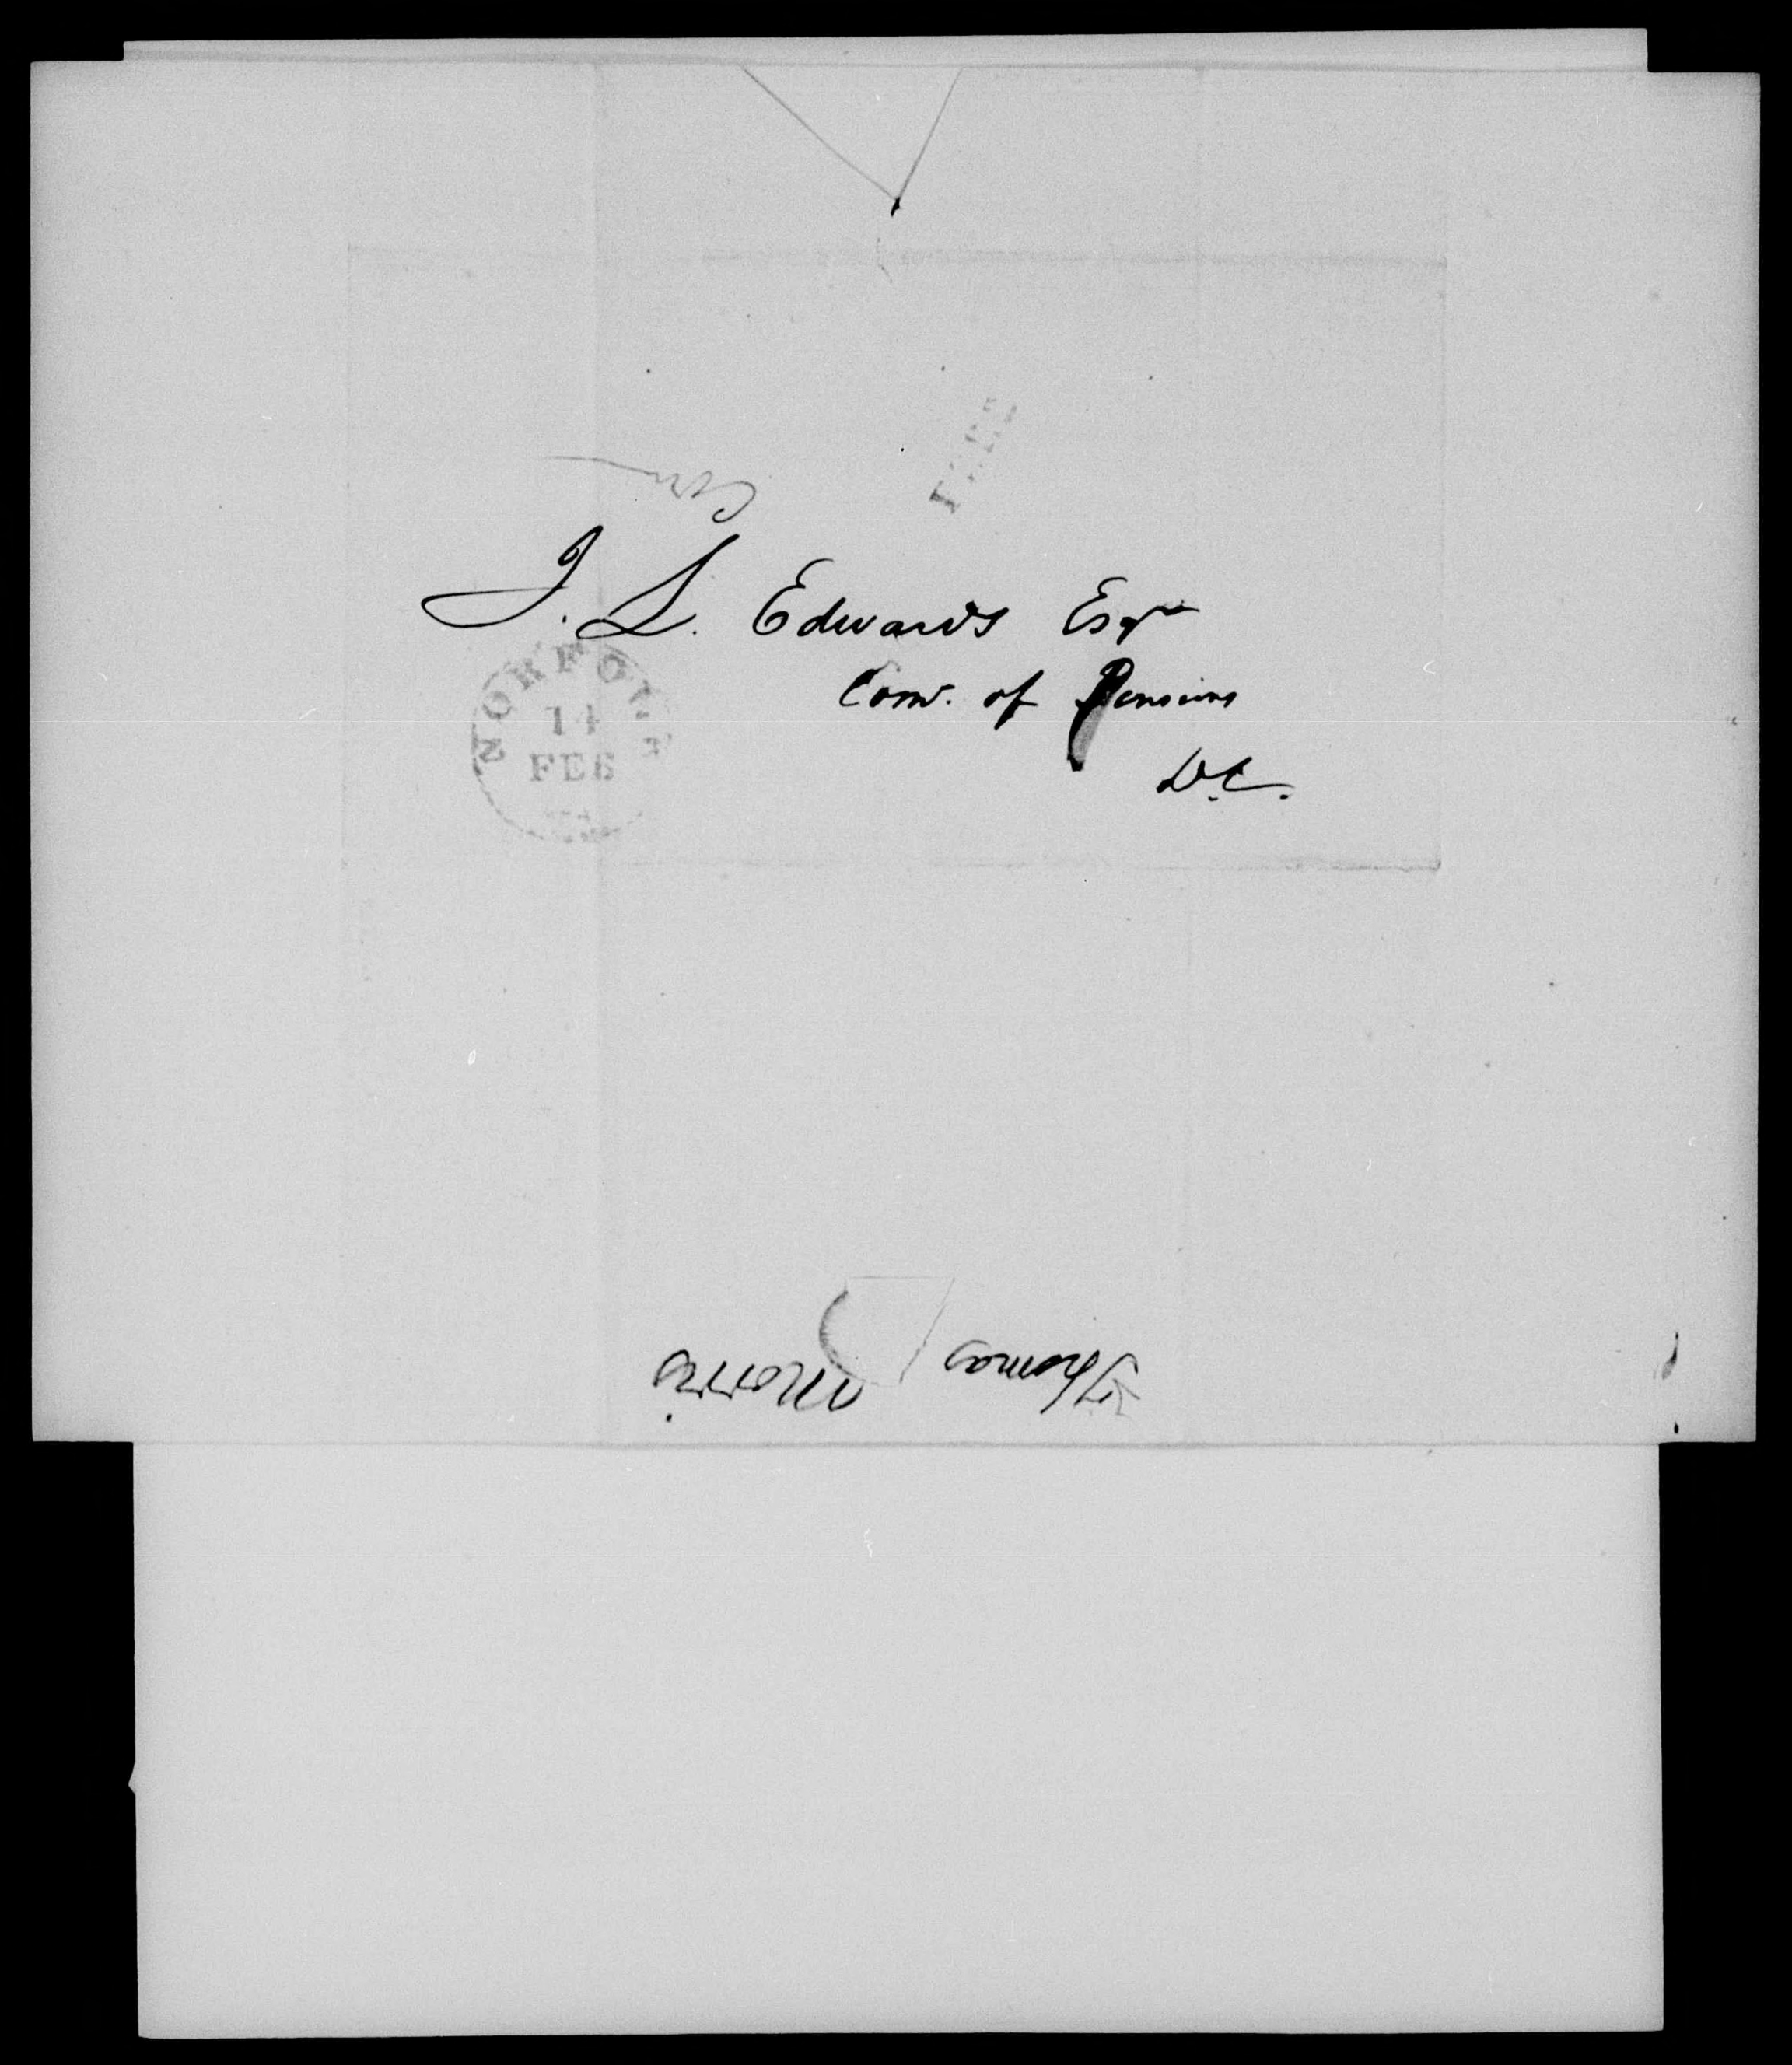J.L. Edwards Esq  
Com of Pensions 
D.C.
[*Thomas Morris*]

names: Thomas Morris; J L Edwards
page: 23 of 30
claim: rejected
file: R. 16,555, for Thomas Morris, Georgia